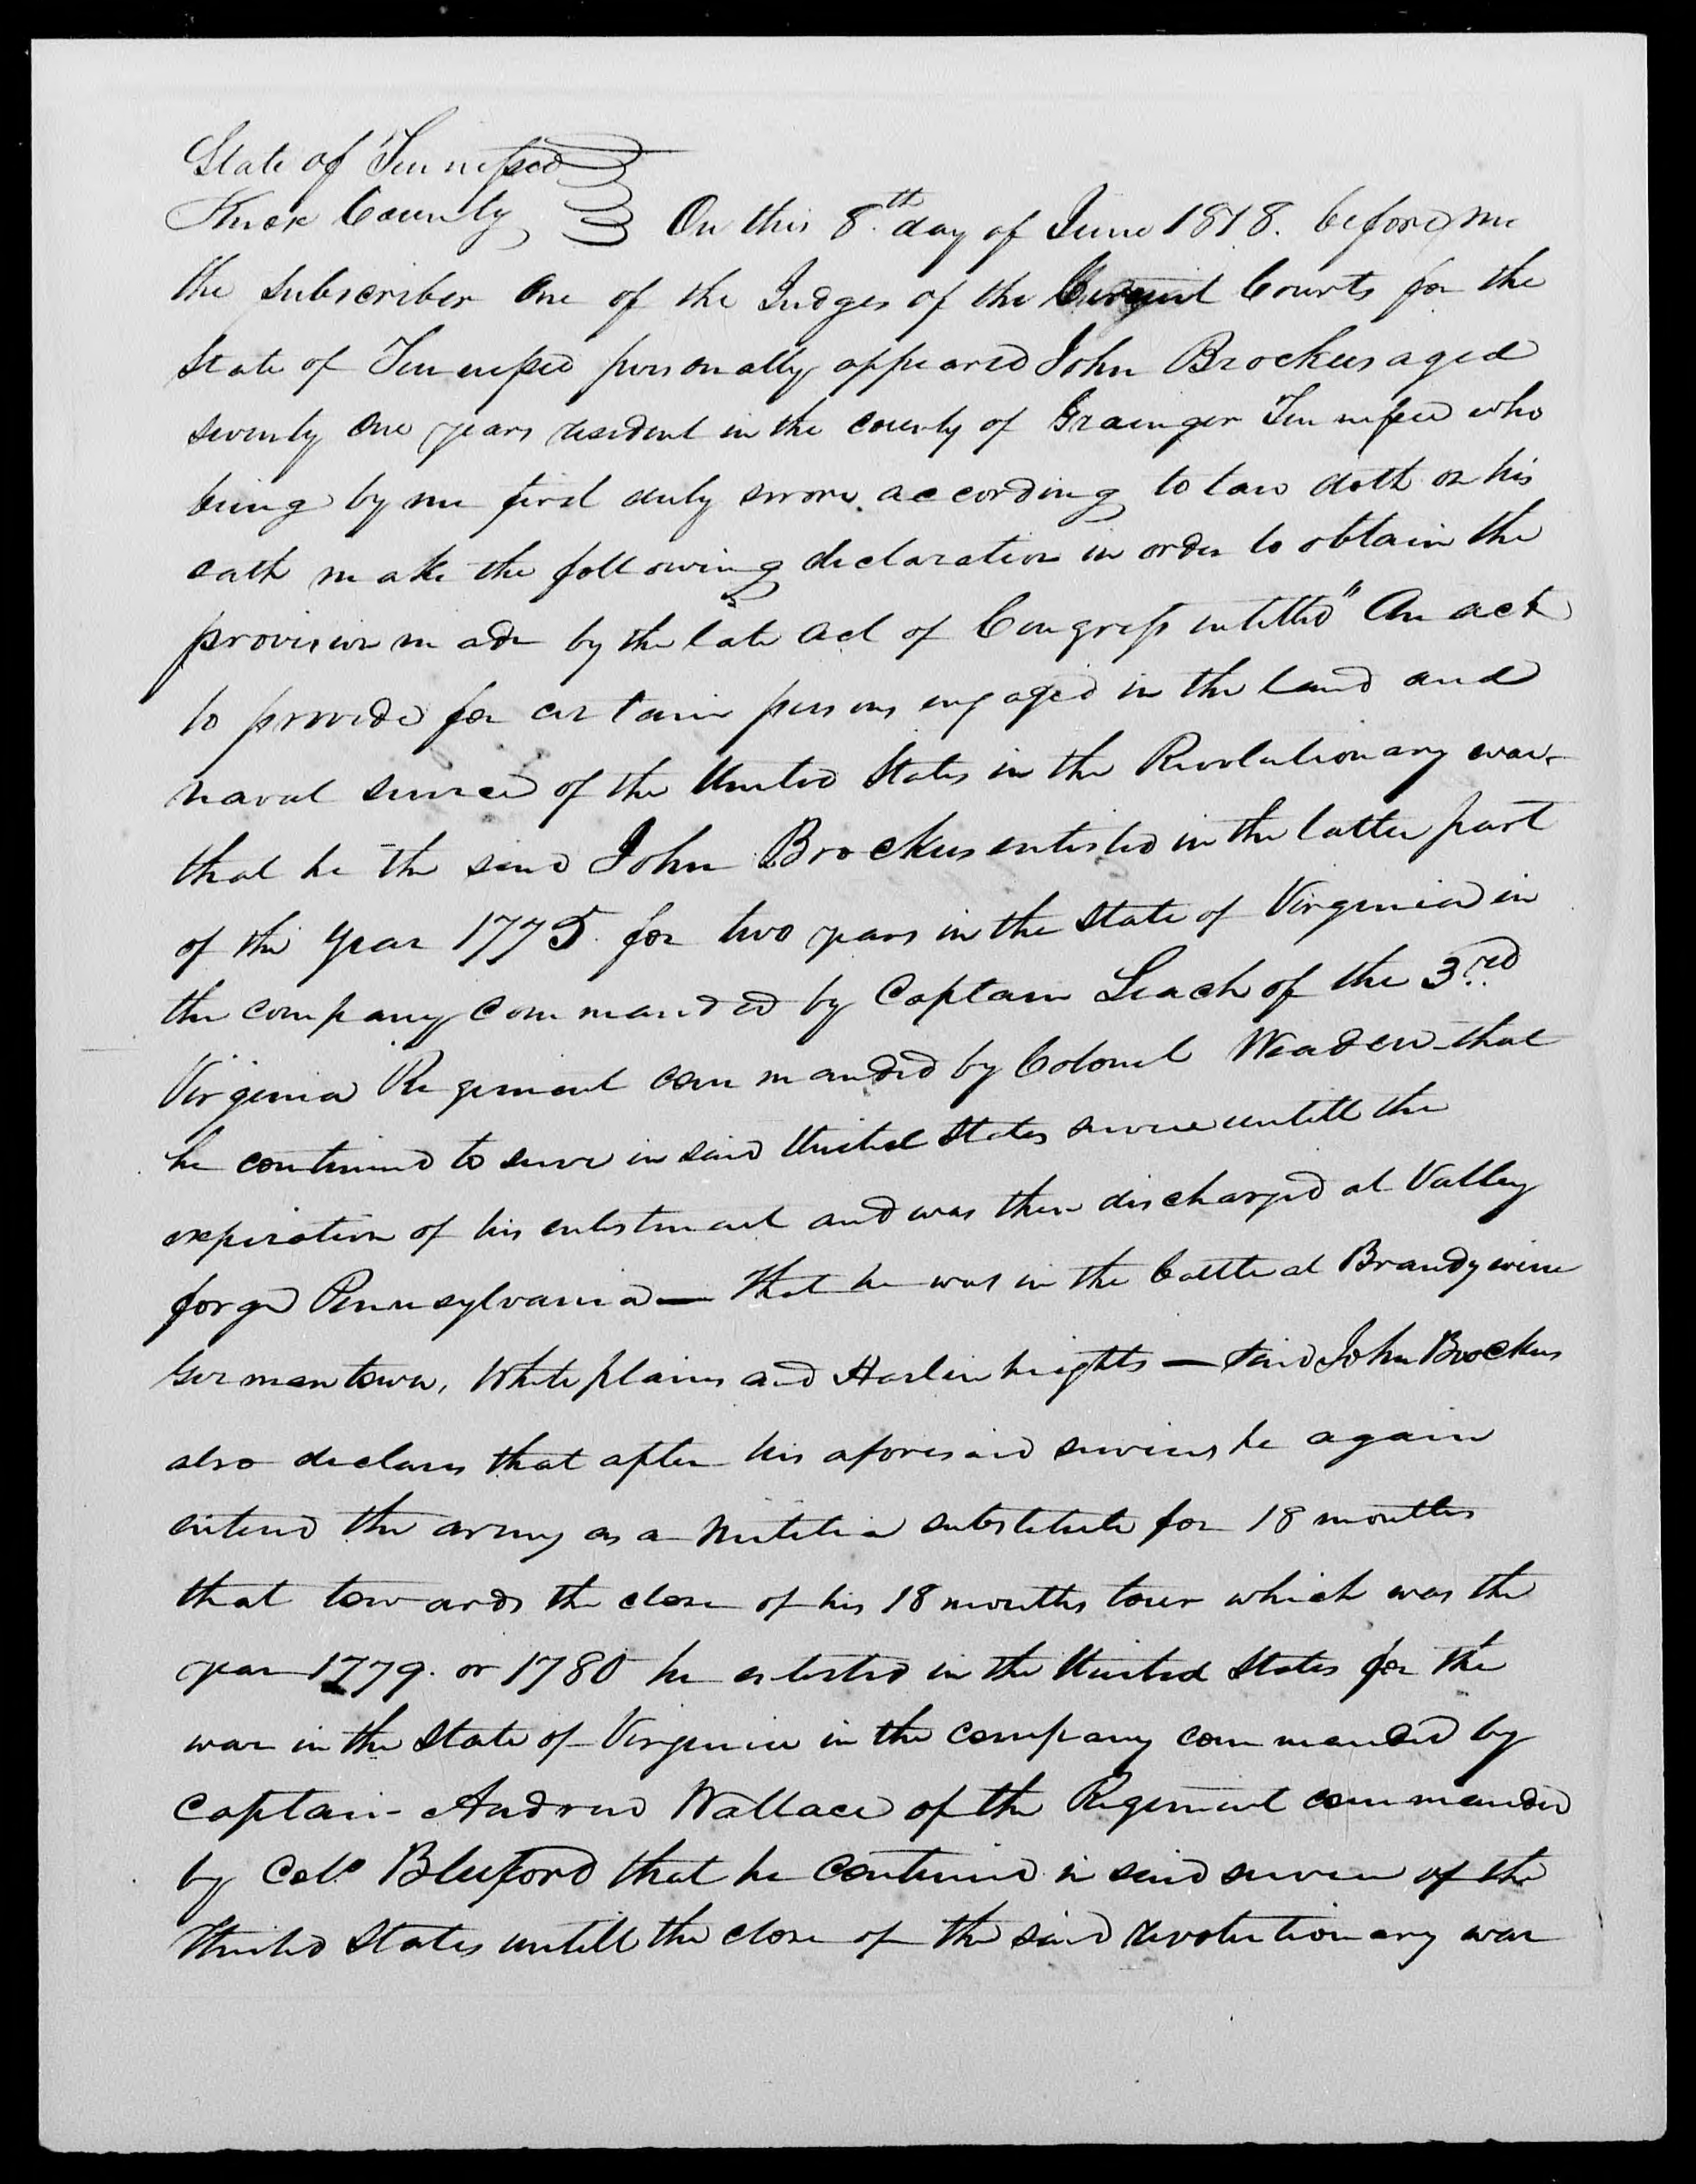State of Tennessee
Knox County
On this 8th day of June 1818 before me the subscriber One of the Judges of the Grainger Country for the State of Tennessee personally appeared John Brockus aged seventy one years central in the County of Grainger Tennessee who being by me first only from according to law doth on his oath make the following declaration in order to obtain the provision made by the late act of Congress entitled "An act to provide for certain persons engaged in the land and naval service of the United States in the Revolutionary war" that he the said John Brockus entered in the latter part of the year 1775 for two years in the state of Virginia in the company commanded by Captain Leach of the 3rd Virginia Regiment commanded by Colonel Weaden that he continued to serve in said United States service until the expiration of his enlistment and was then discharged at Valley Forge Pennsylvania - that he was in the Battle of Brandywine, Germantown, White Plains and Harlem Heights - said John Brockus also declares that after his aforesaid services he again entered the army as a militia substitute for 18 months that towards the close of his 18 month tour which was the year 1779 or 1780 he entered in the United States for the war in the state of Virginia in the company commanded by Captain Andrew Wallace of the Regiment commanded by Col. Bluford that he continued his said service of the United States until the close of the said Revolutionary War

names: John Brockus, Weaden, Bluford, Andrew Wallace, John Brockus, John Brockus, Leach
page: 4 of 19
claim: survivor's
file: S. 39,224, John Brockus, Va.